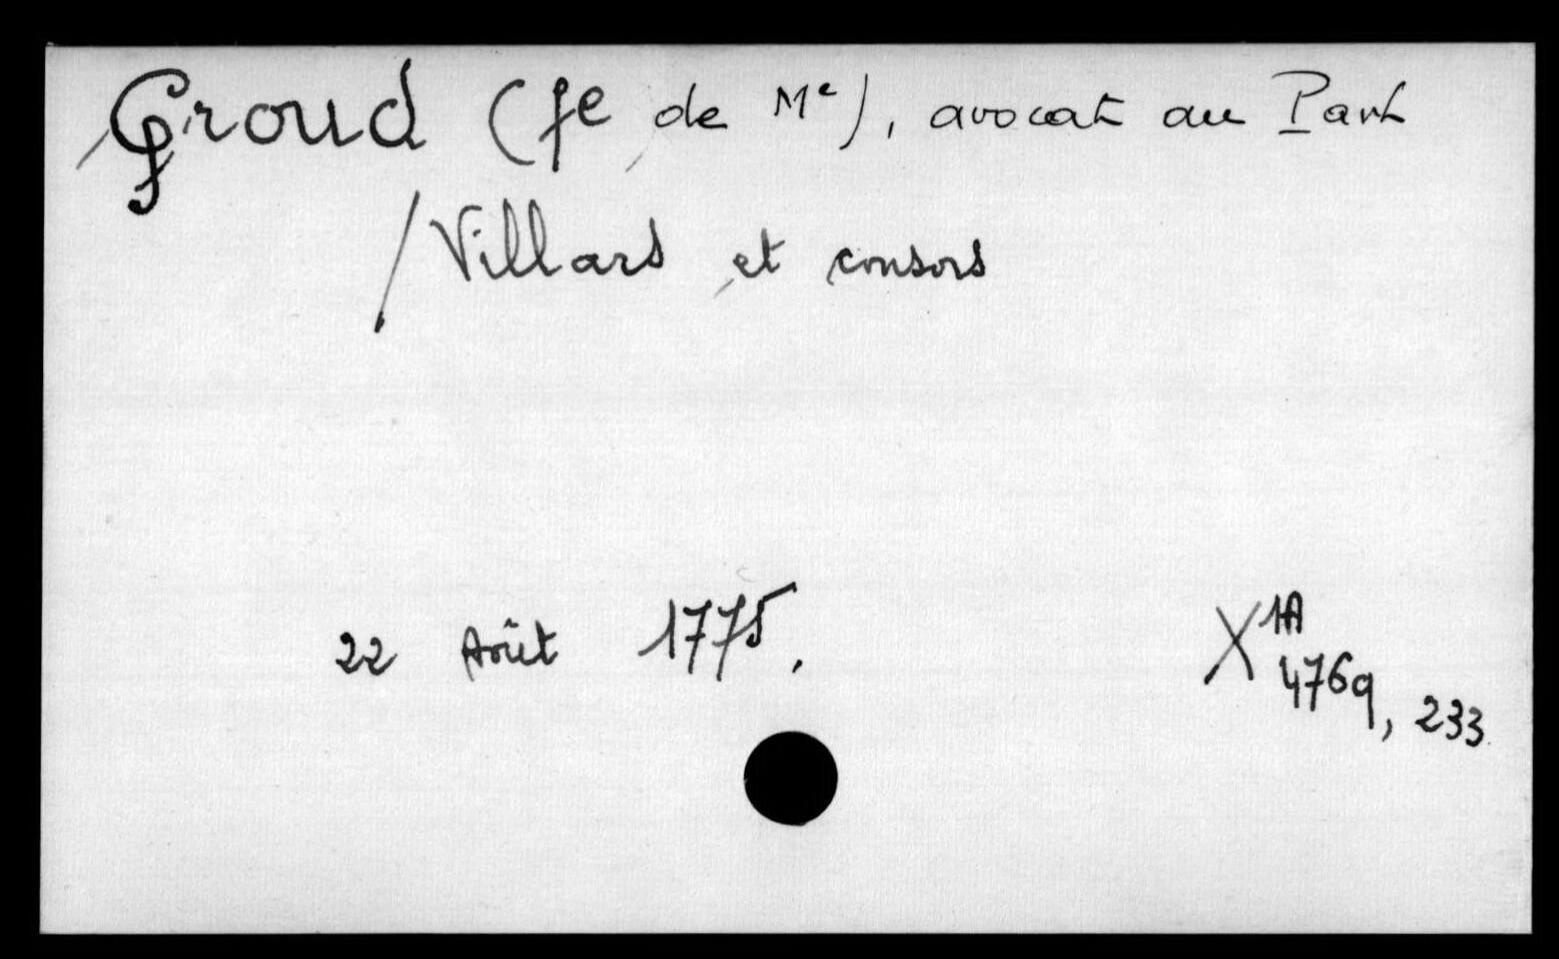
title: Groud (femme de maître), avocat au Parlement
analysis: Contre Villars et consors
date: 22 août 1775
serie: X1A
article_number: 4769
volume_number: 233
